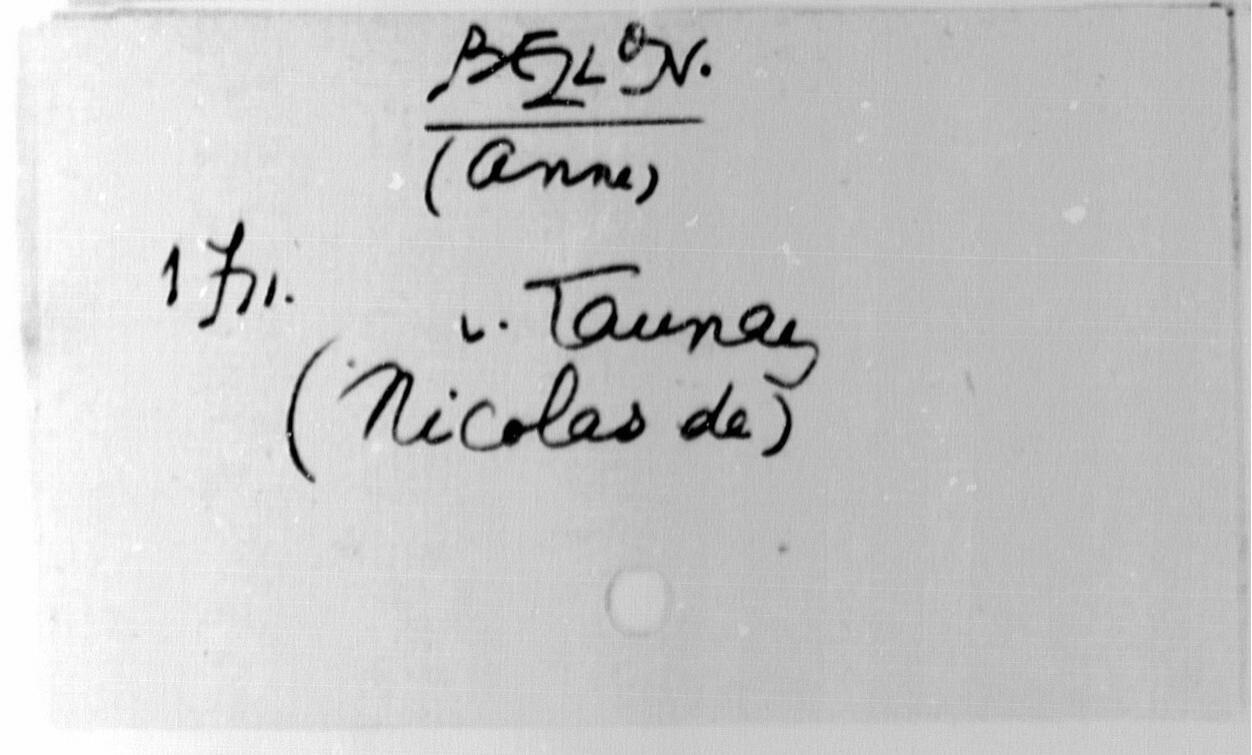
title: BELLON (Anne)
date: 1711
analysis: Voir Launay (Nicolas de)
